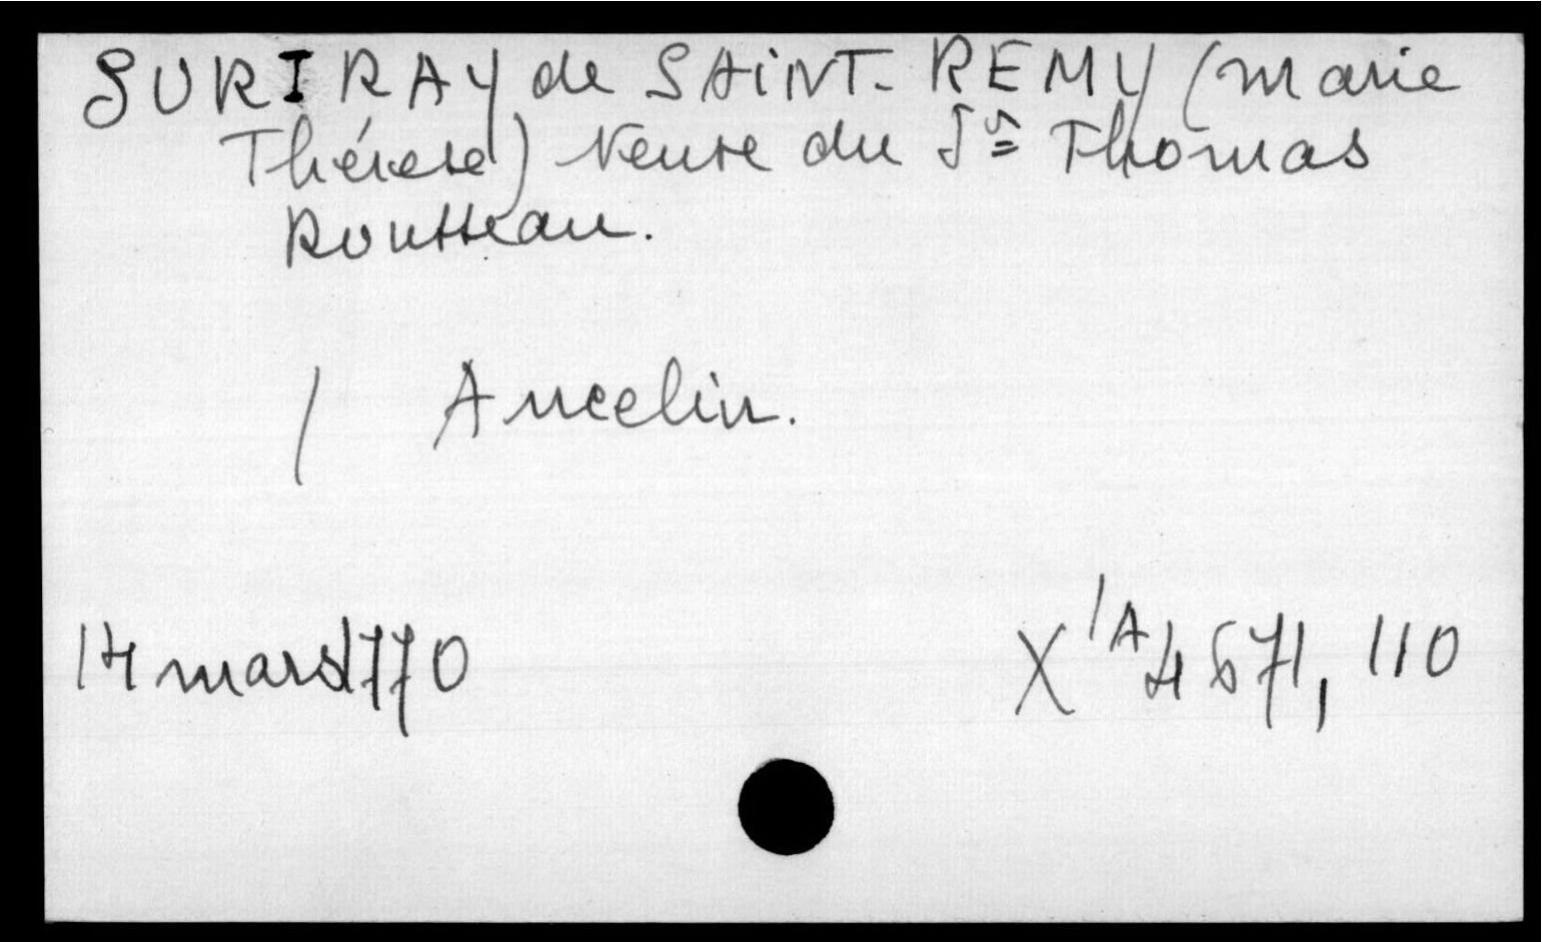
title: SURIRAY de SAINT-RÉMY (Marie Thérèse) Veuve du sieur Thomas Rousseau
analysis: Contre Ancelin
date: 14 mars 1770
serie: X1A
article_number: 4671
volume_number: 110
